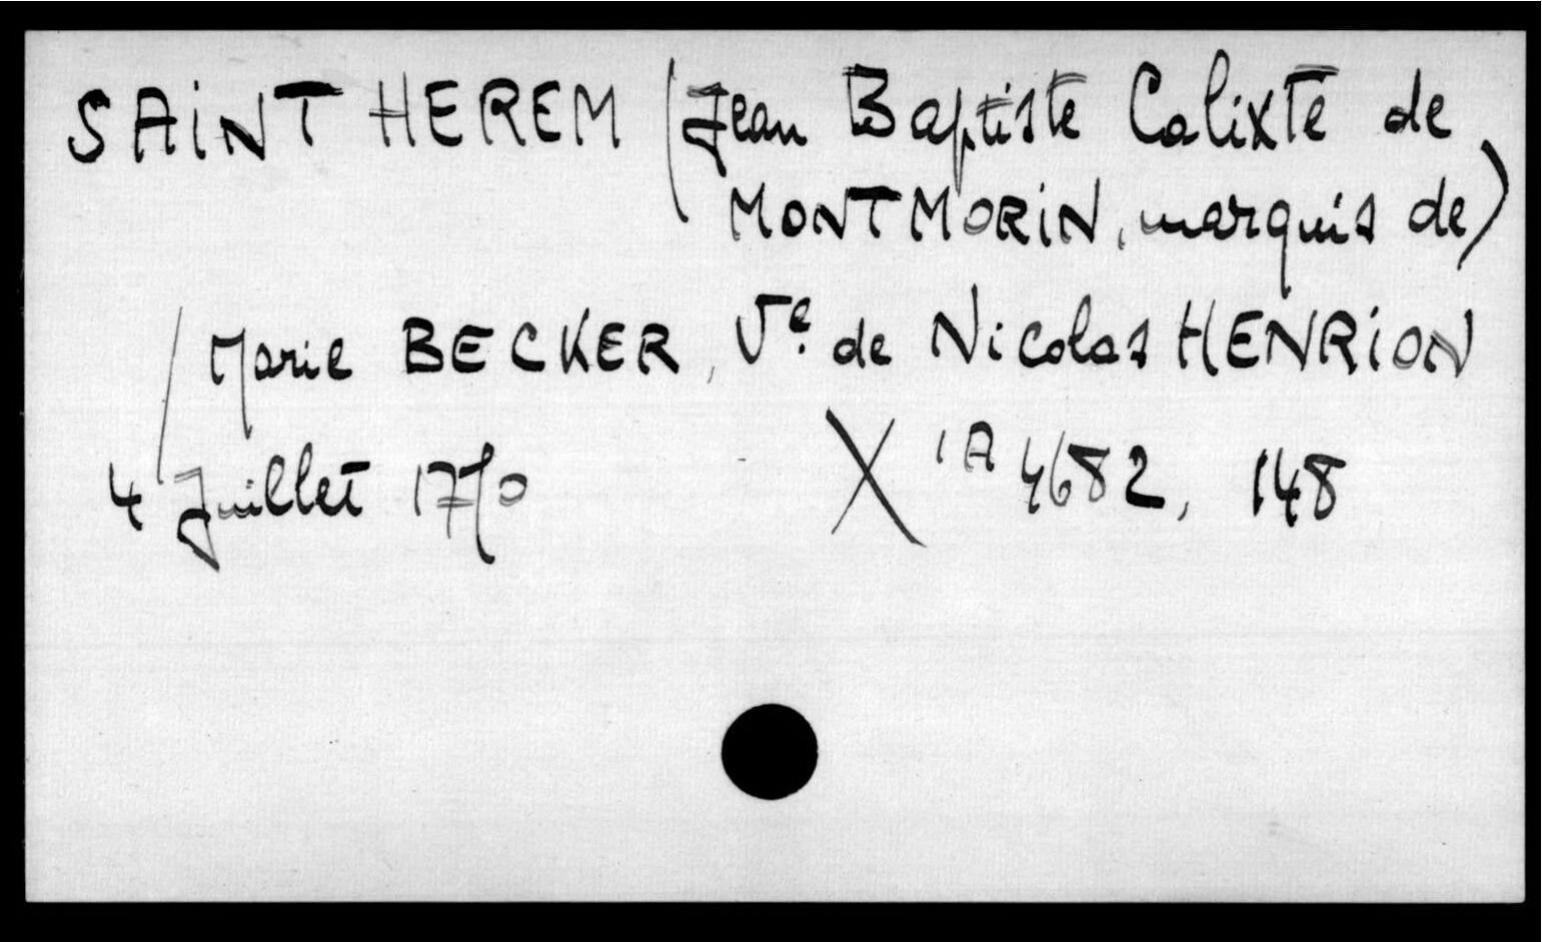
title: SAINT HEREM (Jean Baptiste Calixte de MONTMORIN, marquis de)
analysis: Contre Marie BECKER, veuve de Nicolas HENRION
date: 4 juillet 1770
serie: X1A
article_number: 4682
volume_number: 148
